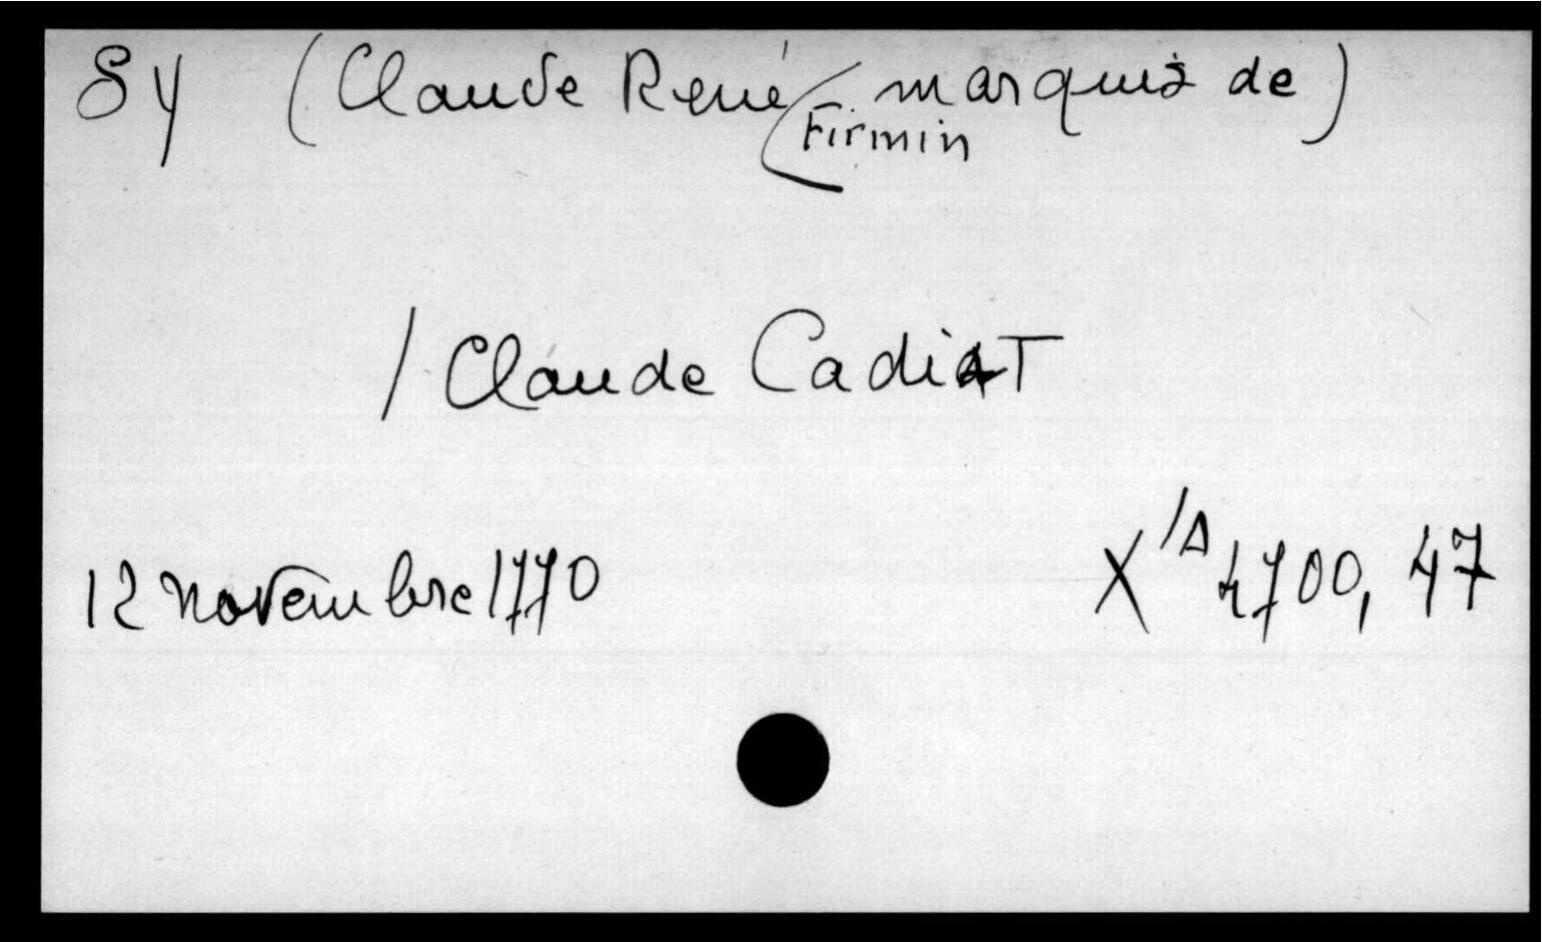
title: SY (Claude René Firmin, marquis de)
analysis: Contre Claude Cadiat
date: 12 novembre 1770
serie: X1A
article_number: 4700
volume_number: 47
